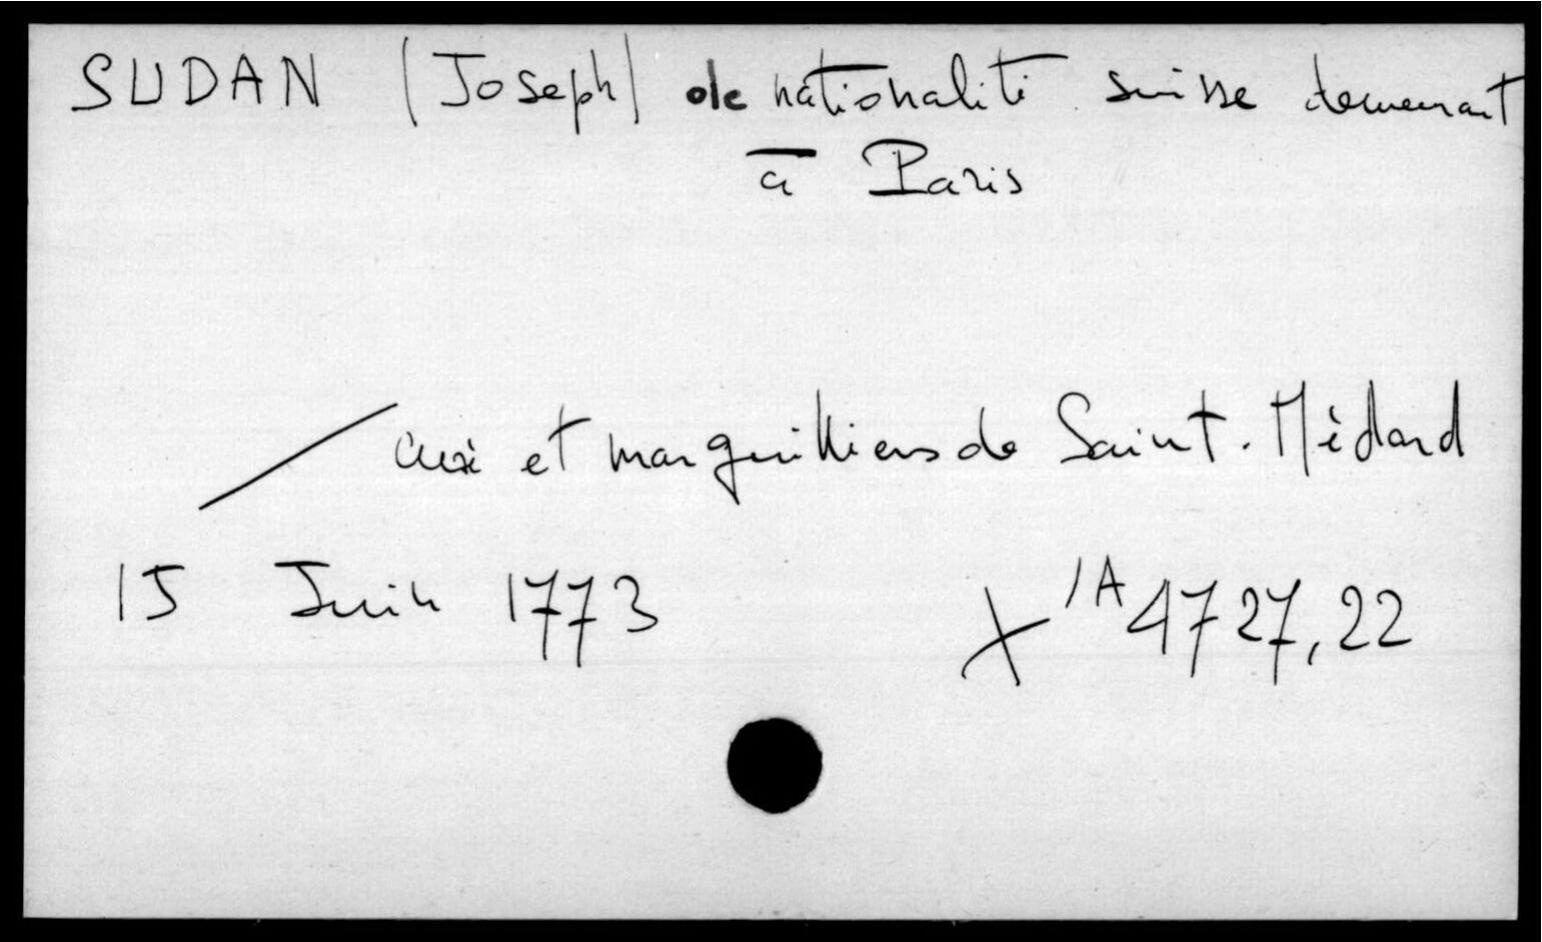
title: SUDAN (Joseph) de nationalité suisse demeurant à Paris
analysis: Contre curé et marguilliers de Saint-Médard
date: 15 juin 1773
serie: X1A
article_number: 4727
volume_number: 22
